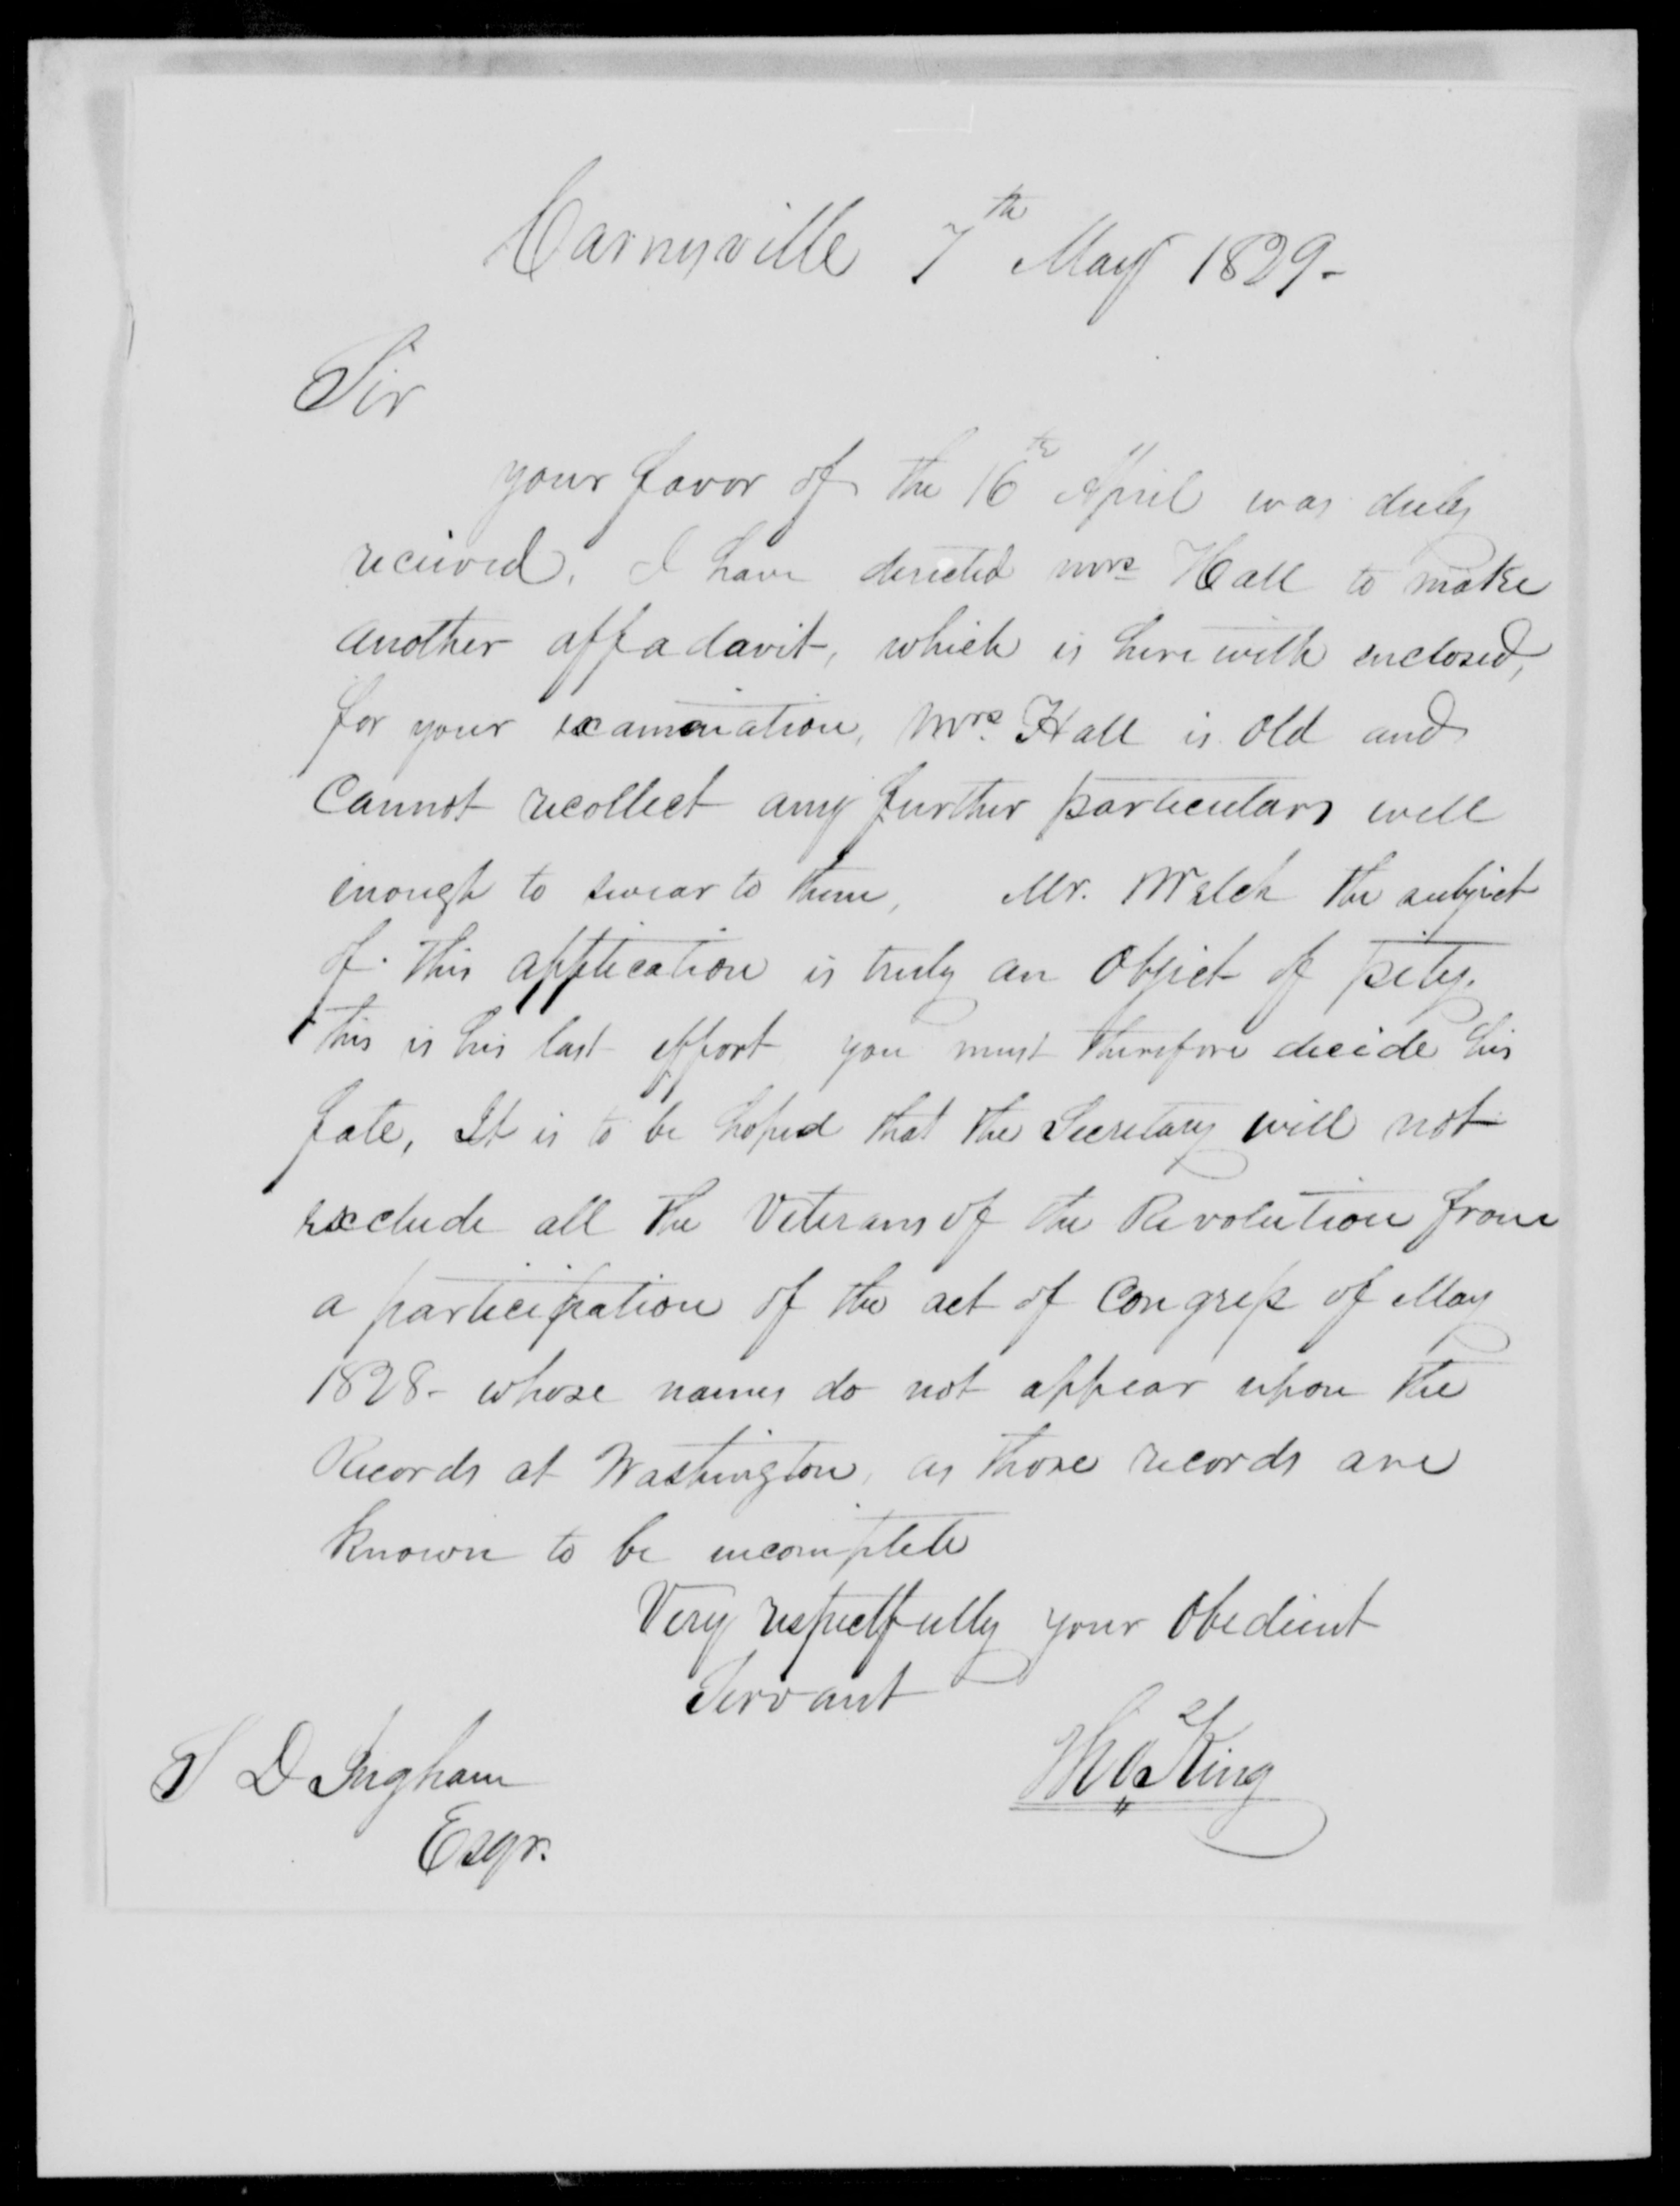Carnesville 7th May 1829.
Sir
Your favor of the 16th April was duly
received, I have directed Mrs Hall to make
another affadavit, which is herewith enclosed,
for your examination, Mrs Hall is old and
cannot recollect any further particulars well
enough to swear to them. Mr. Welch the subject of this application is truly an object of pity, this is his last effort you must therefore decide his fate, It is to be hoped that the Secretary will not
exclude all the veterans of the Revolution from
a participation of the act of Congress of May
1828 - whose names do not appear upon the
Records at Washington, as those records are
known to be incomplete
Very respectfully your Obedient
Servant
Thos. King
D S Ingham
Esqr.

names: Thos King, Hall, S D Ingham, Welch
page: 17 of 23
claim: rejected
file: R. 20,446, Benjamin Welch, Ga.